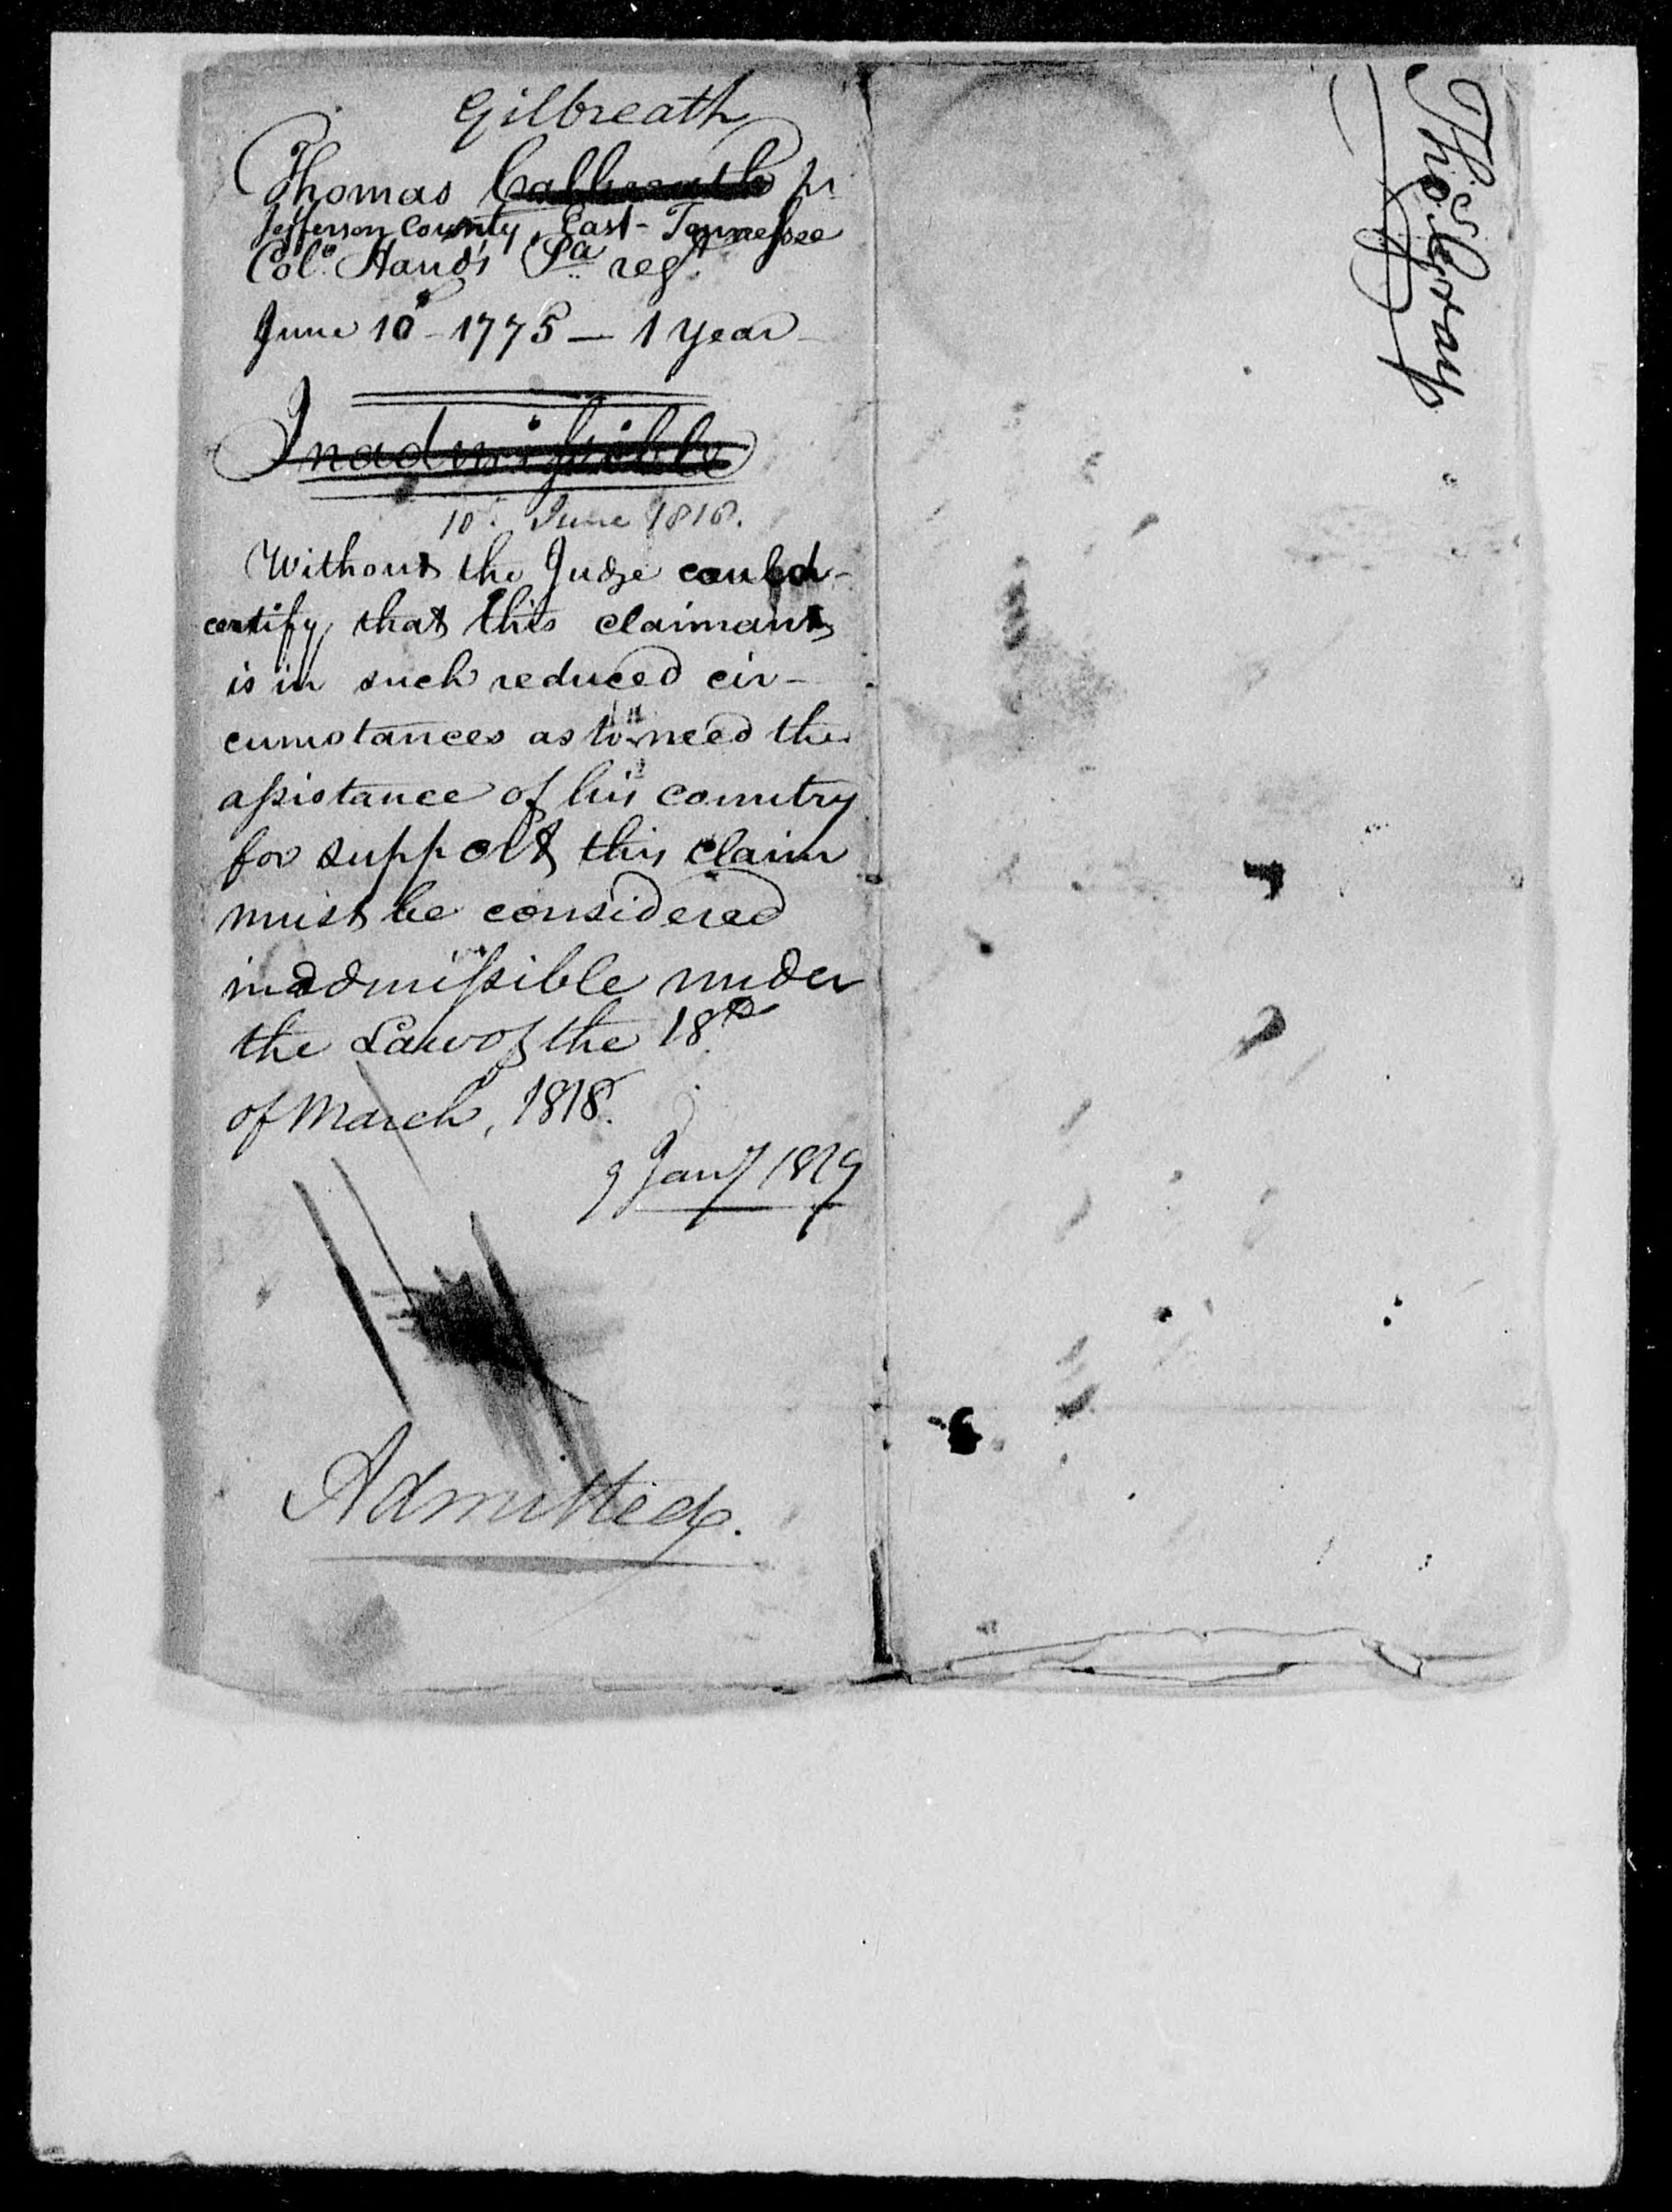Thomas Gilbreath fr
Jefferson County East - Tennessee
Col. Hand's Pa. reg
June 10- 1775- 1 year
---
[Inadmissible - Struck Thru]
---
10 June 1816.
Without the Judge couldn't
certify that this claimant
is in such reduced circumstances
as to need the
assistance of his country
for support & this claim
must be considered
inadmissible under the
Law of the 18th
of March, 1818
9 Jany 1819
Admitted
Thos. Gray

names: Thos Gray, Thomas Gilbreath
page: 6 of 24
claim: survivor's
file: S. 38727, Thomas Gilbreath, Penn.